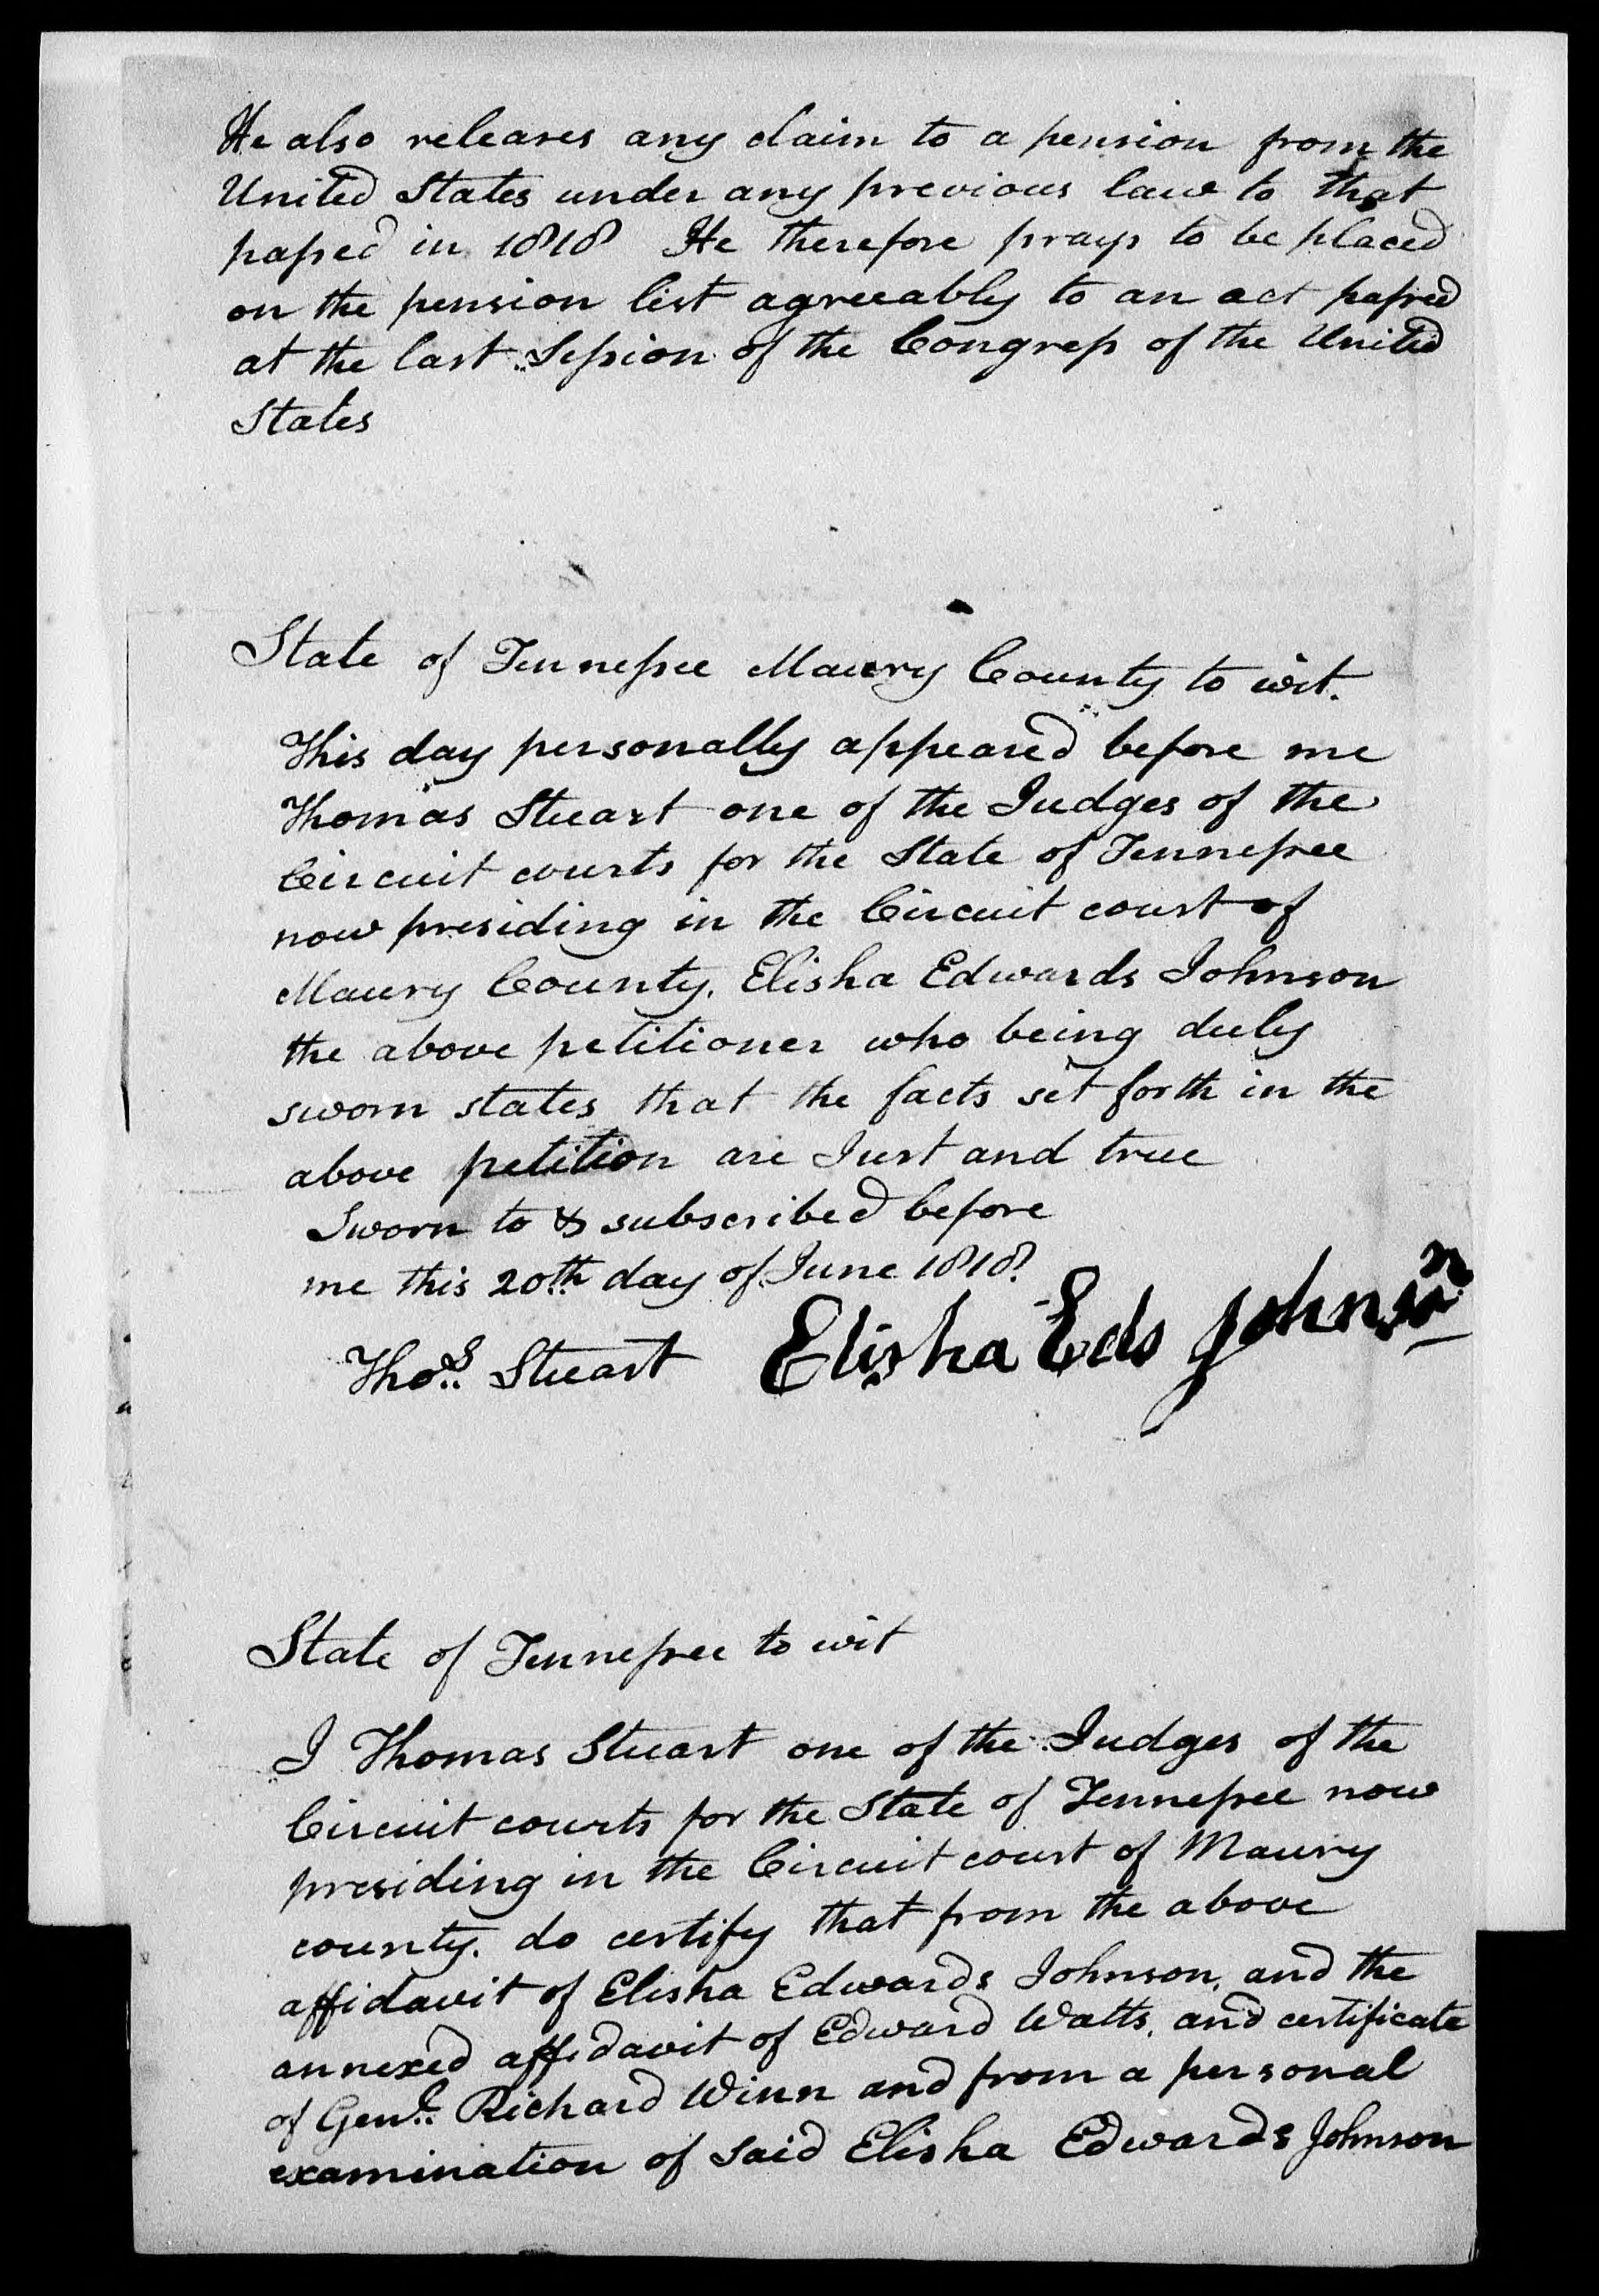He also releases any claim to a pension from the United States under any previous law to that passed in 1818 He therefore prays to be placed on the pension list agreeably to an act passed at the last Session of the Congress of the United States


State of Tennessee Maury County to wit.

This day personally appeared before me Thomas Stuart one of the Judges of the Circuit courts for the State of Tennessee now presiding in the Circuit court of Maury County, Elisha Edwards Johnson the above petitioner who being duly sworn states that the facts set forth in the above petition are Just and true
Sworn to & subscribed before 
me this 20th day of June 1818.
Thos. Stuart

Elisha Eds Johnson


State of Tennessee to wit

I Thomas Stuart one of the Judges of the Circuit courts for the State of Tennessee now presiding in the Circuit court of Maury county, do certify that from the above affidavit of Elisha Edwards Johnson, and the annexed affidavit of Edward Watts, and certificate of Genl. Richard Winn and from a personal examination of said Elisha Edwards Johnson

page: 4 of 9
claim: survivor's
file: S. 38885, for Elisha Edwards Johnson, South Carolina